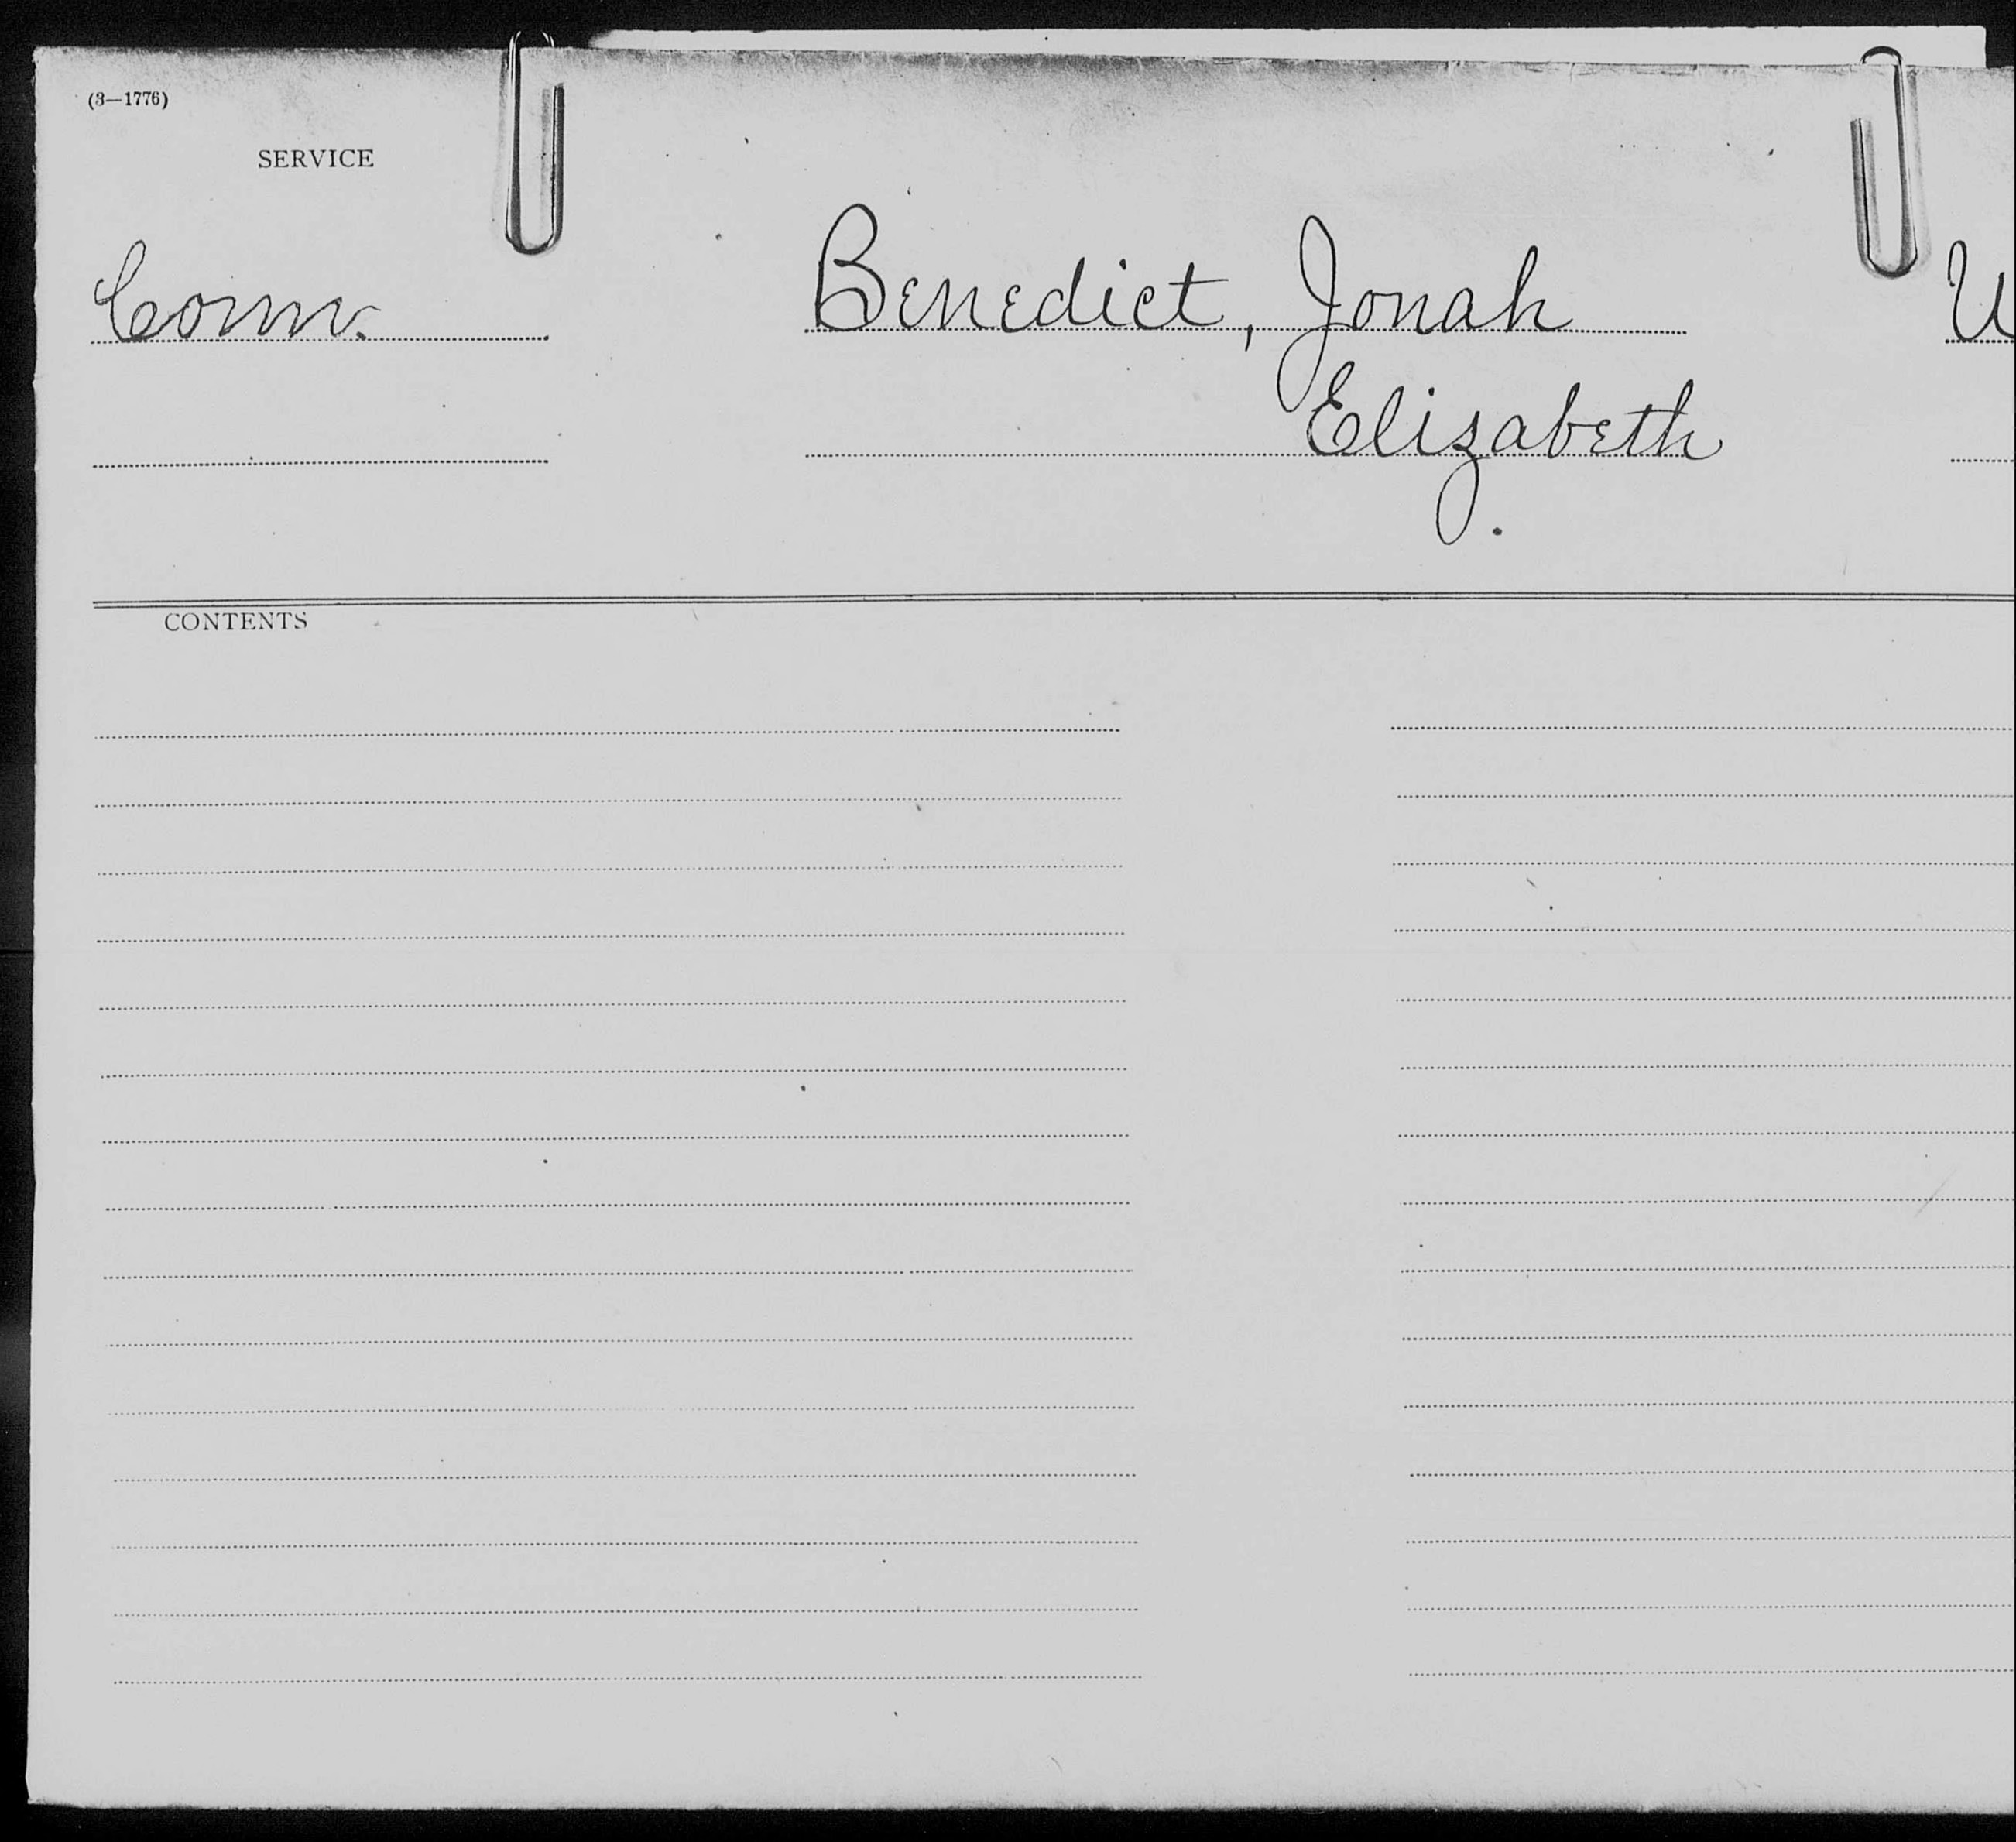(3 - 1776)
              SERVICE
Conn.                           Benedict,  Jonah                              U
                                                    Elizabeth
______________________________________________________________ 
CONTENTS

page: 1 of 56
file: [ILLEGIBLE], Jonah Benedict, Conn.